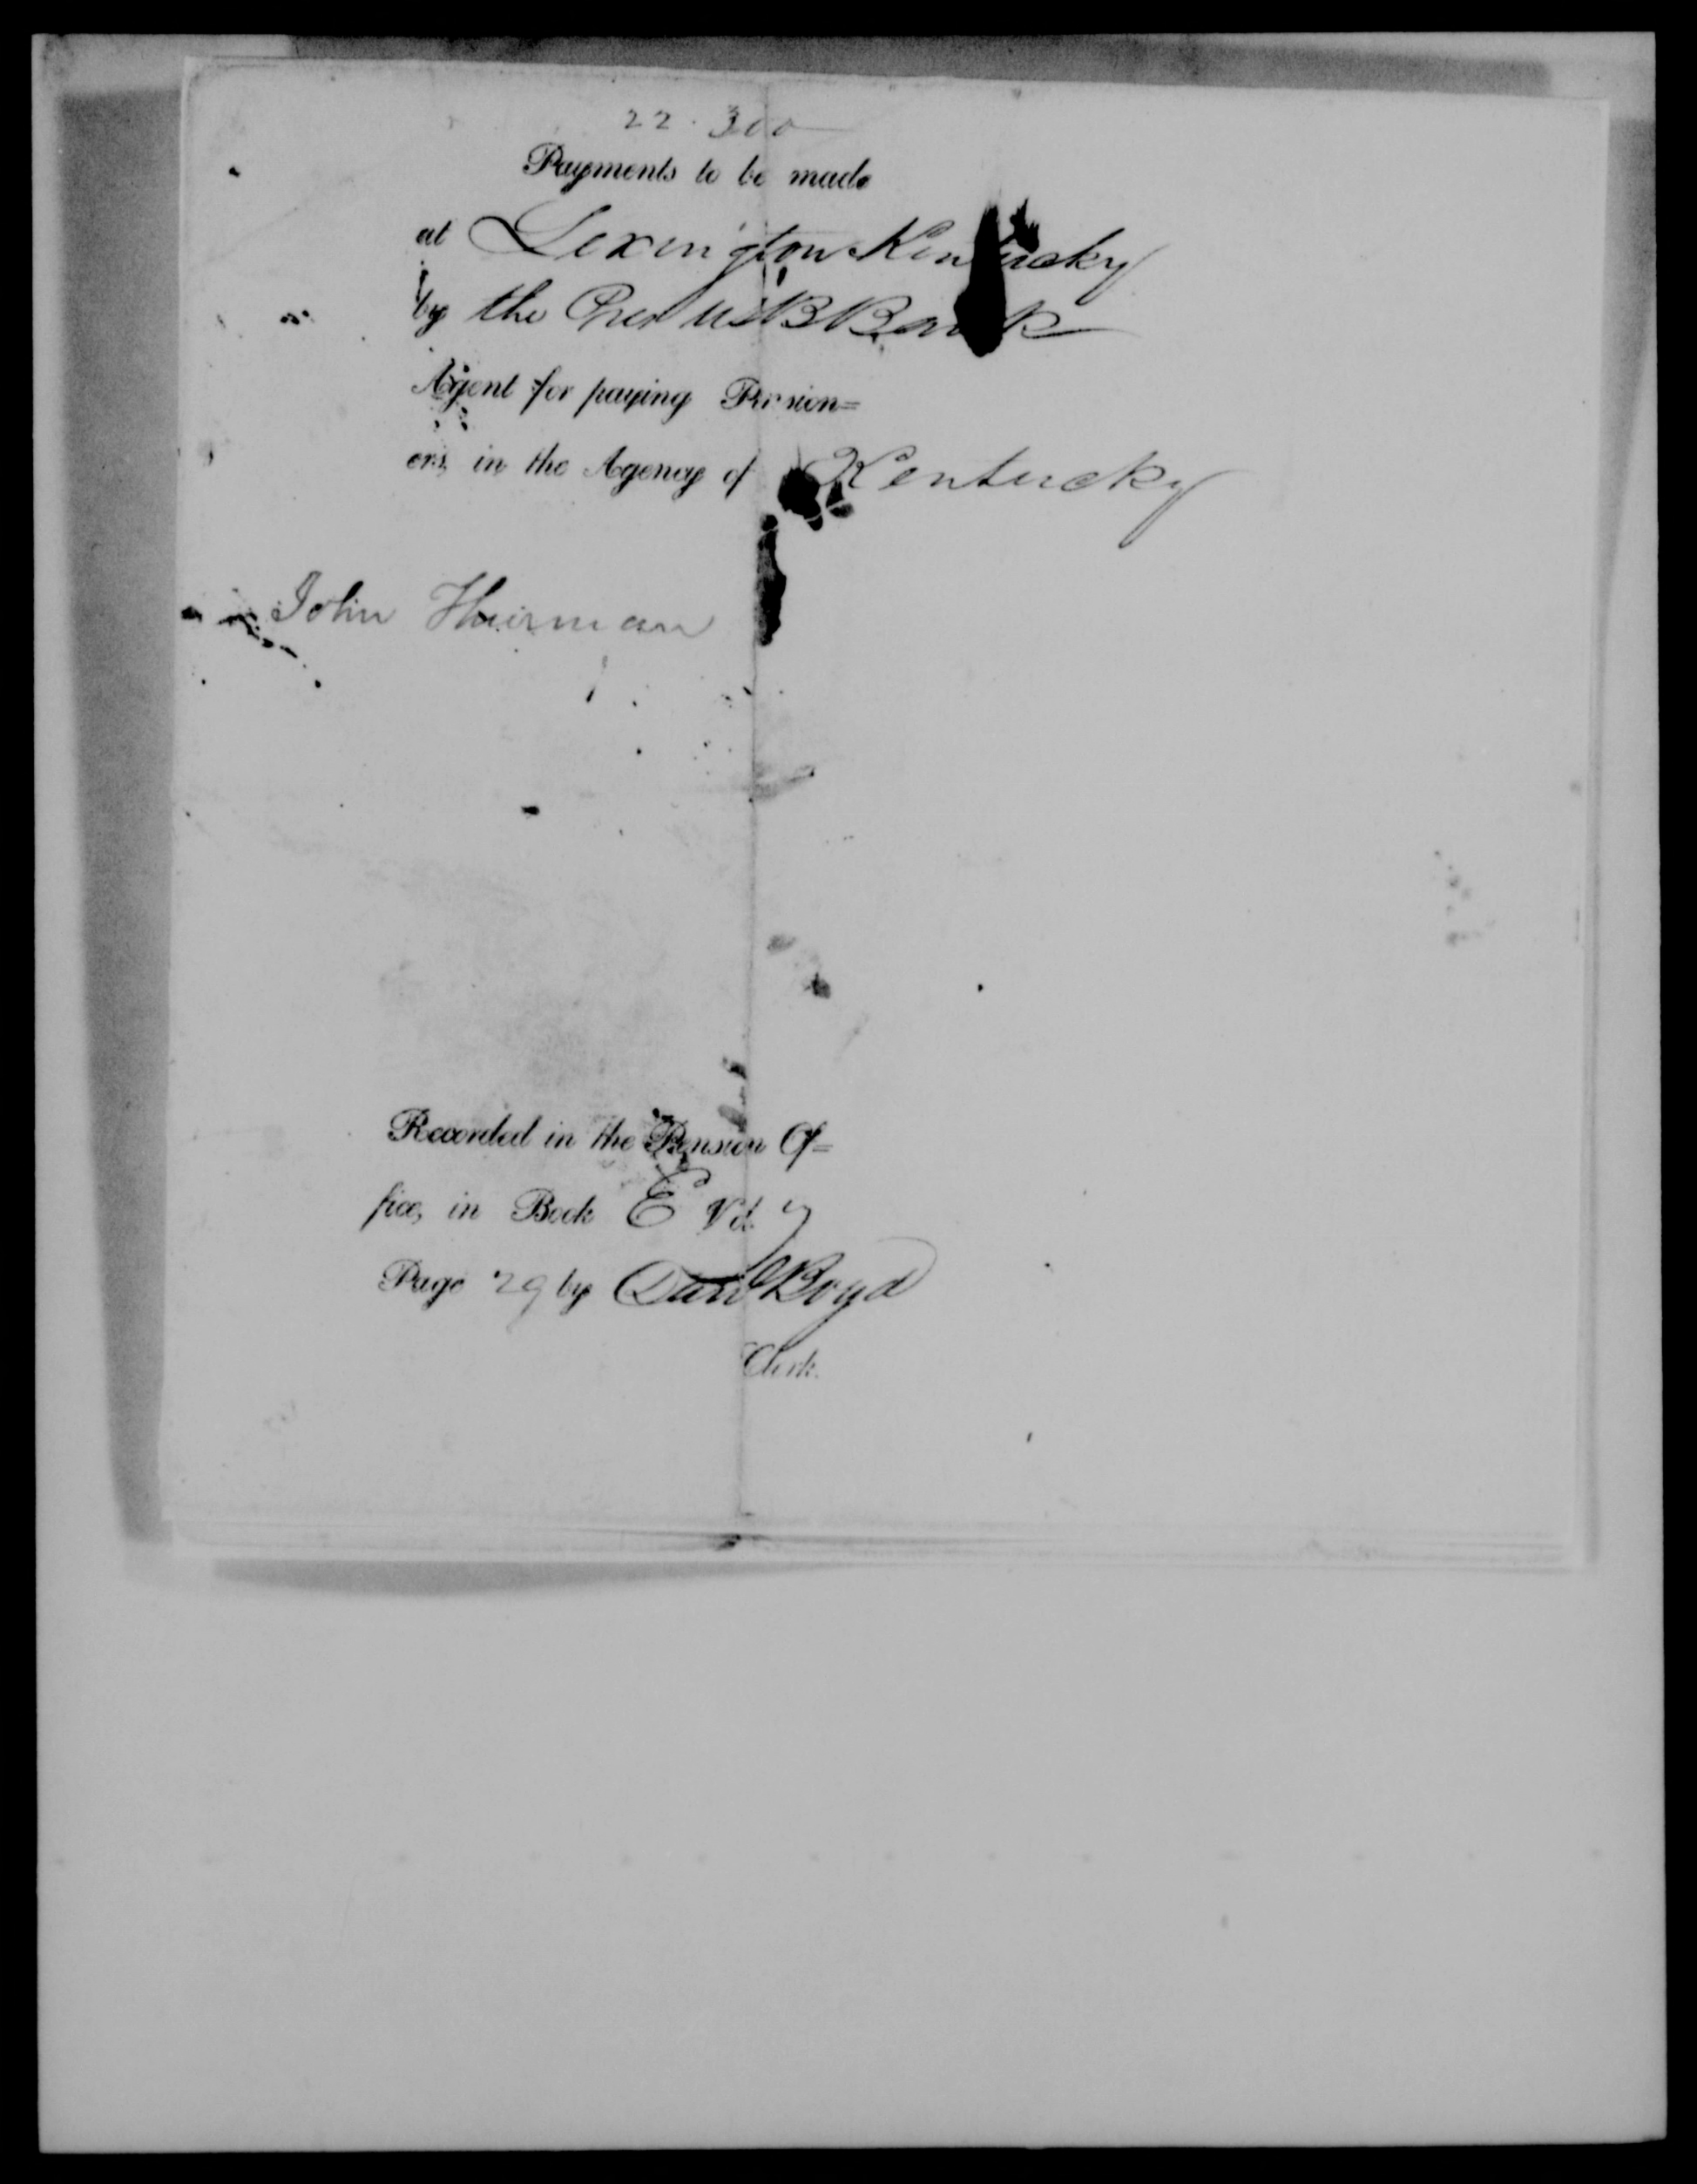22.300 Payments to be made at Lexington Kentucky by the Pres  MNB Bank  Agent for paying Pensioners in the Agency of Kentucky   John Thurman  Recorded in the Pension Office , in Book E Vol. 7 Page 29 by  Danl Boyd Clerk.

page: 33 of 53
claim: widow's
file: W. 6,267, for John Thurman, Georgia